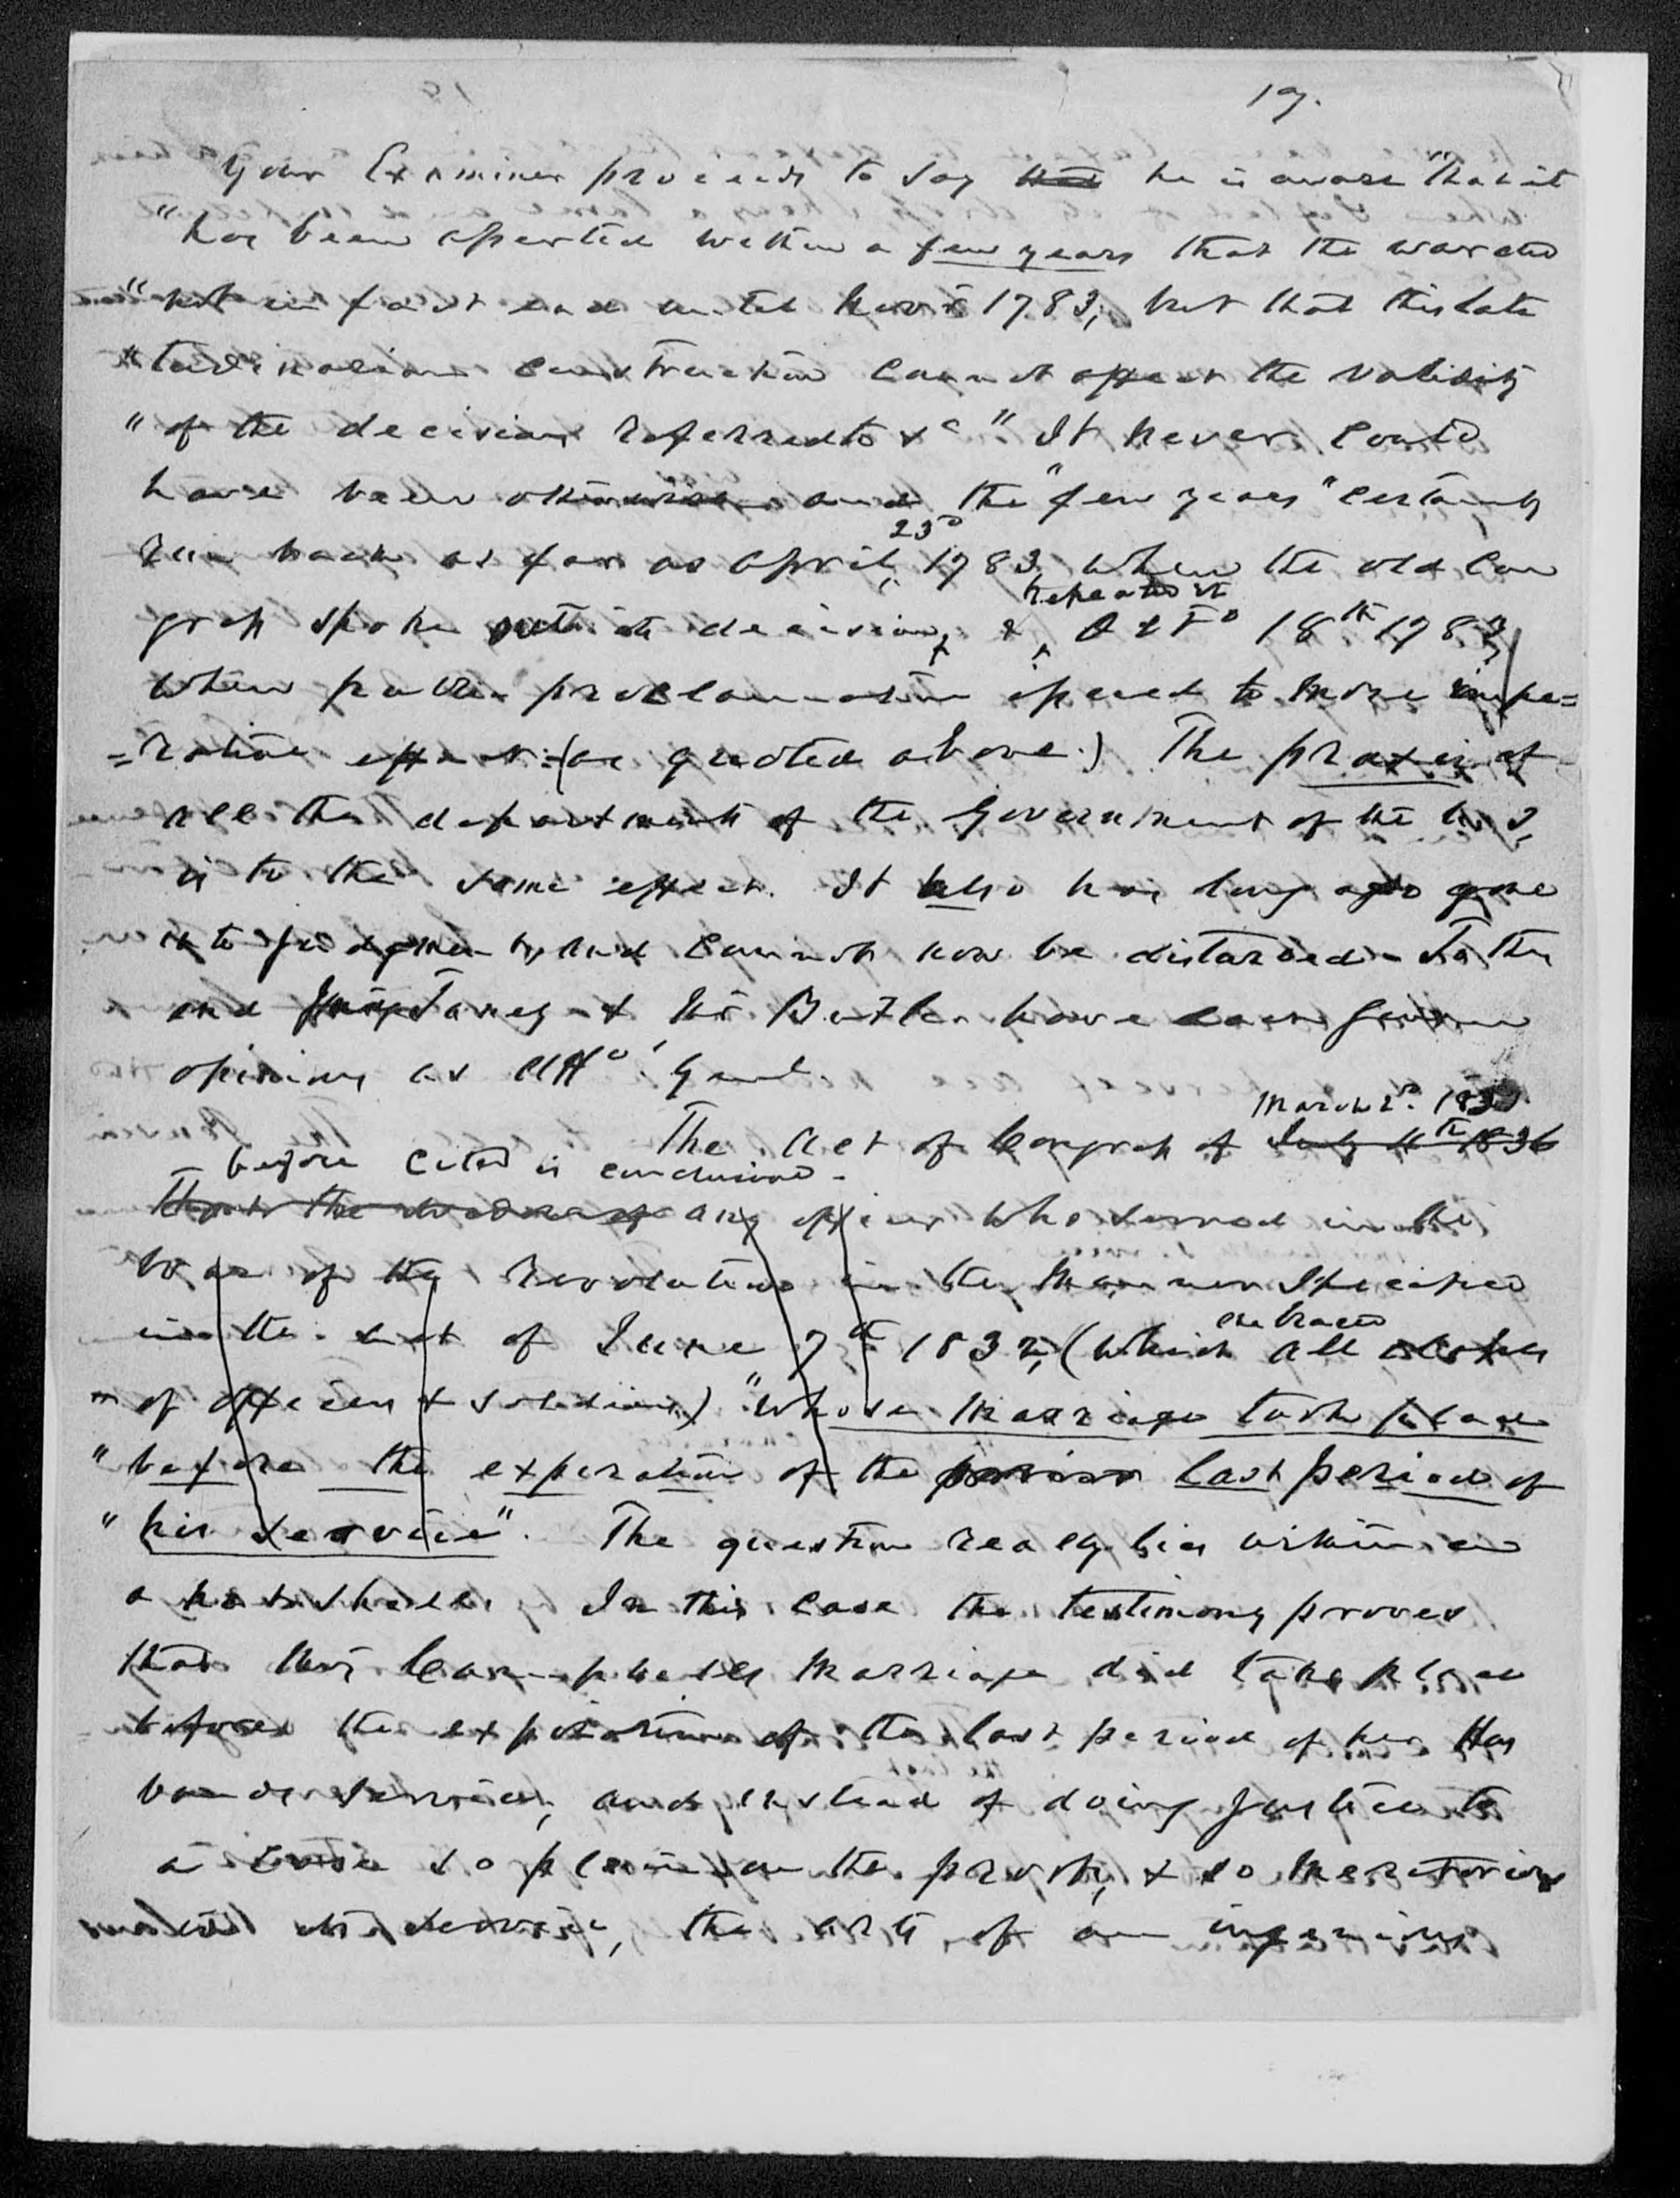17
"Your Examiner proceeds to say [marked out: that] he is aware that it has been asserted within a few years that the war did not in fact end until Nov'r 1783, but that this late [?] construction cannot affect the validity of the decision referred to &c" It never could have been otherwise and the "few years" certainly [?] back as far as April 23rd 1783 when the old Congress spoke with its decision & repeated it Oct'r 18th 1783. When [?] [?] [?] to [?] imperative [?] (as quoted above). The practice of all the departments of the Government of the [?] is to the same effect.  It also has long ago gone into judgment and cannot now be disturbed. To this end Judge Taney and Mr. Butler have each given opinions as Att'o Genl.
The Act of Congress of [marked out: July 11th 1836] March 2nd 1833 before cited is conclusive--any officer who served in the War of the Revolution in the [?] specified in the act of June 7th 1832, (which embraces all of officers & soldiers) "whose marriage took place before the expiration of the last period of his service".  The question really [?].  In this case the testimony proves that this [?] marriage did take place before the expiration of the law & period of her Husbands services and [?] of doing Justice to a [?] & a [?] on the [?] & so [?] service, the arts of an ingenious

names: Campbell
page: 239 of 267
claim: widow's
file: W. 4,149, William Campbell, Va.